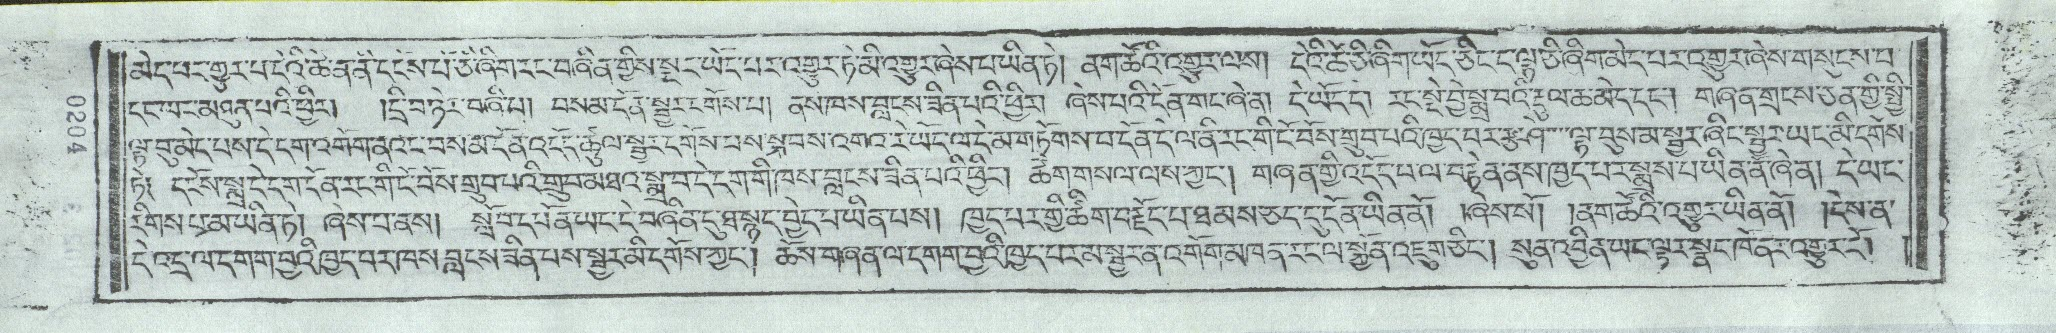མེད་པར་གྱུར་པ་དེའི་ཚེ་ན་ནི་དངོས་པོ་ཅི་ཞིག་རང་བཞིན་གྱིས་སྔར་ཡོད་པར་འགྱུར་ཏེ་མི་འགྱུར་ཞེས་པ་ཡིན་ཏེ། ནག་ཚོའི་འགྱུར་ལས། དེའི་ཚེ་ཅི་ཞིག་ཡོད་ཅིང་ད་ལྟ་ཅི་ཞིག་མེད་པར་འགྱུར་ཞེས་གསུངས་པ་
དང་ཡང་མཐུན་པའི་ཕྱིར། །དྲི་བ་ཉེར་བཞི་པ། བསམ་དོན་སྦྱར་དགོས་པ། ནས་ཁས་བླངས་ཟིན་པའི་ཕྱིར། ཞེས་པའི་དོན་གང་ཞེ་ན། དེ་ཡོད་དེ། རང་སྡེ་བྱེ་སྨྲ་བའི་རྡུལ་ཆ་མེད་དང་། གཞན་གྲངས་ཅན་གྱི་སྤྱི་
ལྟ་བུ་མེད་པས་དེ་དག་འགོག་ནའང་བསམ་དོན་འདོད་ཚུལ་སྦྱར་དགོས་པས་སྐབས་འགའ་རེ་ཡོད་ལ་དེ་མ་གཏོགས་པ་དོན་དེ་ལ་ནི་རང་གི་ངོ་བོས་གྲུབ་པའི་ཁྱད་པར་རྩ་ཤེས་ལྟ་བུས་མ་སྦྱར་ཞིང་སྦྱར་ཡང་མི་དགོས་
ཏེ༑ དངོས་སྨྲ་དེ་དག་དོན་རང་གི་ངོ་བོས་གྲུབ་པའི་གྲུབ་མཐའ་སྨྲ་བ་དེ་དག་གི་ཁས་བླངས་ཟིན་པའི་ཕྱིར། ཚིག་གསལ་ལས་ཀྱང་། གཞན་གྱི་འདོད་པ་ལ་བརྟེན་ནས་ཁྱད་པར་སྨྲས་པ་ཡིན་ནོ་ཞེ་ན། དེ་ཡང་
རིགས་པ་མ་ཡིན་ཏེ། ཞེས་པ་ནས། སློབ་དཔོན་ཡང་དེ་བཞིན་དུ་ཐ་སྙད་བྱེད་པ་ཡིན་པས། ཁྱད་པར་གྱི་ཚིག་བརྗོད་པ་ཐམས་ཅད་དུ་དོན་ཡིན་ནོ། །ཞེས་སོ། །ནག་ཚོའི་འགྱུར་ཡིན་ནོ། །དེས་ན་
དེ་འདྲ་ལ་དགག་བྱའི་ཁྱད་པར་ཁས་བླངས་ཟིན་པས་སྦྱར་མི་དགོས་ཀྱང་། ཆོས་གཞན་ལ་དགག་བྱའི་ཁྱད་པར་མ་སྦྱར་ན་འགོག་མཁན་རང་ལ་སྐྱོན་འཇུག་ཅིང་། སུན་འབྱིན་ཡང་ལྟར་སྣང་ཁོ་ནར་འགྱུར་རོ། །